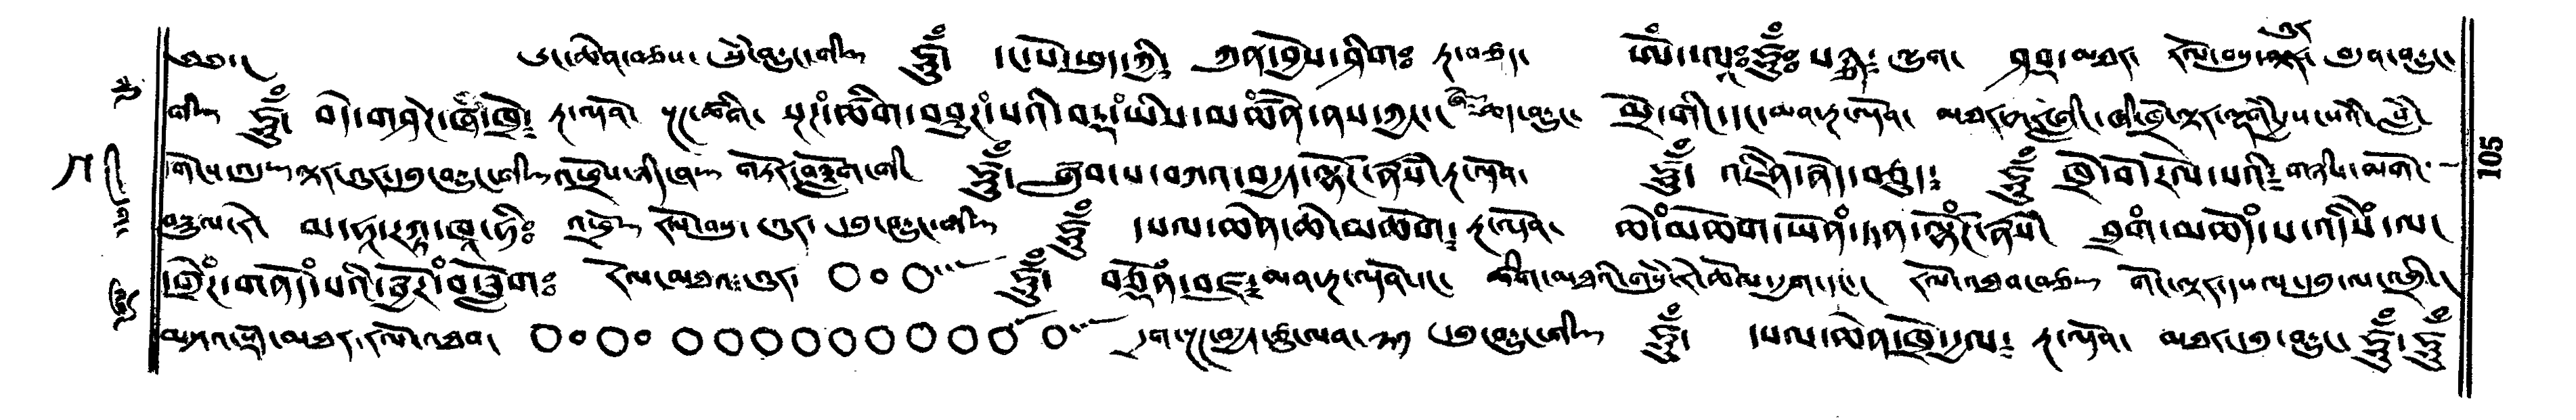དུང་ཆེན་བཅས། སུམ་བརྡུང་གིས། ཧཱུྃ༔ དང་པོ་ཕུད་ཀྱི༴ ཀུན་བྱོས་ཤིགཿ རྔ་གཅད། ཨོཾ་ཨཱཿཧྃའུ་པཉྩ༴ ལྷུག ཤབྡ་མཐར། རོལ་བསུ། འུར་བདུན་རྡུང་
གིས། ཧྃའུ༔ བདེ་གཤེགས་ཞི་ཁྲོ༴ རྔ་འདོན། སྔགས་ཚིག་བཤུགས་པའི་བརྡ་ཡིས་མཚོན་ནས་ཀྱང༔ ཞེས་ཆད་རྡུང་། མཁའ་འགྲོ་གིང་དང༴ མན་རྔ་འདོན། མཐར་ཀར་གླིང་ཞི་ཁྲོ་ལྟར་ལྷག་མ་རྒྱས་པའམ། བླ་མ་
དགོངས་འདུས་ལྟར་འུར་དགུ་རྡུང་གིས་འཕྲོས་ཉིད་ནས། གཏོར་ཟློག་གི ཧཱུྃ༔ སྒྲུབ་པ་བཀའ་བརྒྱད་ལྷ་ཚོགས་རྣམས༔ རྔ་འདོན། ཧཱུྃ༔ འཇིག་རྟེན་སྣོད་བཅུད༴ ཧཱུྃ༔ ཁྲོ་བོ་རོལ་པའི༴ གཉིས་མགོ་
སྐུལ་རེ། མ་ཧཱ་རཀྟ་ཁཱ་ཧི༔ འཕྲོས། རོལ་བསུ། འུར། དགུ་རྡུང་གིས། ཧཱུྃ༔ དཔལ་ཆེན་ཆེ་མཆོག༴ རྔ་འདོན། ཆེ་མཆོག་ཡོན་ཏན་ལྷ་ཚོགས་རྣམས༔ ཤ་ཁྲག་མཆོད་པ་འདི་བཞེས་ལ༔ 
དགྲ་བགེགས་གནོད་པའི་སྦྱོར་བ་ཟློགས༔ རོལ་མཐའ༴ འུར། ཧཱུྃ༔ བཅོམ་ལྡན་བཛྲ༴ མན་རྔ་འདོན་དང་། ཚིག་མཐའི་གསུམ་རེ་ཆོལ་རྒྱག་དང་། རོལ་འཐབ་བཅས། གོང་ལྟར་དཔལ་དགུ་ལ་འགྲེ། 
བཀའ་སྡོད་མཐར་རོལ་འཐབ། དྲག་སྔགས་བརྒྱད་ཅུ་ལན་ཉེར་གཅིག དགུ་རྡུང་གིས། ཧཱུྃ༔ དཔལ་ཆེན་ཁྲོ་རྒྱལ༴ རྔ་འདོན། མཐར་དགུ་རྡུང་། ཧཱུྃ་ཧཱུྃ༔